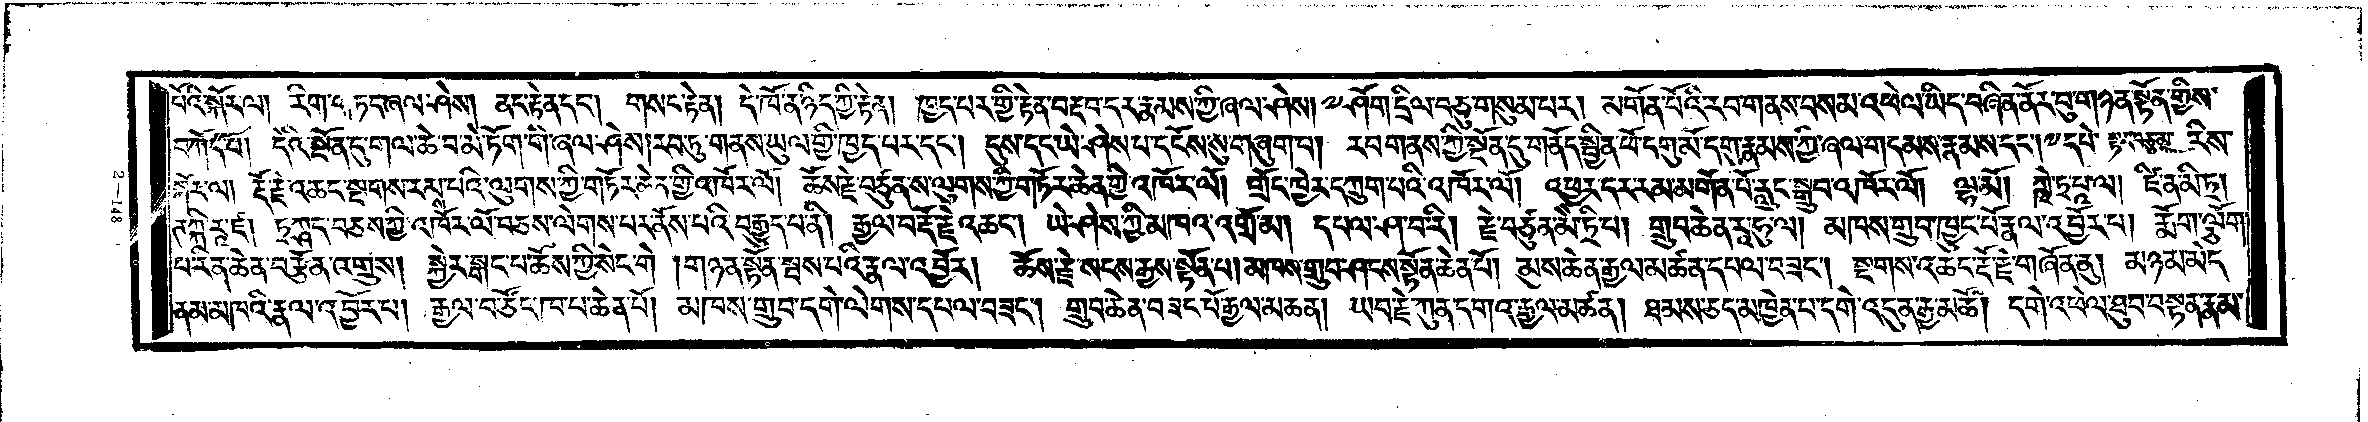པོའི་སྐོར་ལ། རིག་གཏད་ཞལ་ཤེས། ནང་རྟེན་དང་། གསང་རྟེན། དེ་ཁོ་ན་ཉིད་ཀྱི་རྟེན། ཁྱད་པར་གྱི་རྟེན་བརྡབ་དར་རྣམས་ཀྱི་ཞལ་ཤེས། ༧ཤོག་དྲིལ་བཅུ་གསུམ་པར། མགོན་པོའི་རབ་གནས་བསམ་འཕེལ་ཡིད་བཞིན་ནོར་བུ་གཉན་སྟོན་གྱིས་
བཀོད་པ། དེའི་སྦོན་དུ་གལ་ཆེ་བ་མེ་ཏོག་གི་ཞལ་ཤེས། རབ་ཏུ་གནས་ཡུལ་གྱི་ཁྱད་པར་དང་། དུས་དང་ཡེ་ཤེས་པ་དངོས་སུ་གཞུག་པ། རབ་གནས་ཀྱི་སྔོན་དུ་གནོད་སྦྱིན་ཕོ་དགུ་མོ་དགུ་རྣམས་ཀྱི་ཞལ་གདམས་རྣམས་དང་། ༧དཔེ་སྟང་བཅུ་མ་རིས་
སྐོར་ལ། རྡོ་རྗེ་འཆང་སྔགས་རམས་པའི་ལུགས་ཀྱི་གཏོར་ཆེན་གྱི་འཁོར་ལོ། ཆོས་རྗེ་བཙུན་ས་ལུགས་ཀྱི་གཏོར་ཆེན་གྱི་འཁོར་ལོ། གྲོང་ཁྱེར་དཀྲུག་པའི་འཁོར་ལོ། འཕྱར་དར་རམ་མགོན་པོ་རླུང་སྒྲུབ་འཁོར་ལོ། ལྷ་མོ། ཀྵེ་ཏྲ་པཱ་ལ། ཛི་ན་མི་ཏྲ།
ཊཀྐི་རཱ་ཛ། ཏྲཀྴད་བཅས་ཀྱི་འཁོར་ལོ་བཅས་ལེགས་པར་ནོས་པའི་བརྒྱུད་པ་ནི། རྒྱལ་བ་རྡོ་རྗེ་འཆང་། ཡེ་ཤེས་ཀྱི་མཁའ་འགྲོ་མ། དཔལ་ཤ་བ་རི། རྗེ་བཙུན་མཻ་ཏྲི་པ། གྲུབ་ཆེན་རཱ་ཧུ་ལ། མཁས་གྲུབ་ཁྱུང་པོ་རྣལ་འབྱོར་པ། རྨོག་ལྕོག་
པ་རིན་ཆེན་བརྩོན་འགྲུས། སྐྱེར་སྒང་པ་ཆོས་ཀྱི་སེང་གེ །གཉན་སྟོན་སྦས་པའི་རྣལ་འབྱོར། ཆོས་རྗེ་སངས་རྒྱས་སྟོན་པ། མཁས་གྲུབ་ཤངས་སྟོན་ཆེན་པོ། མུས་ཆེན་རྒྱལ་མཚན་དཔལ་བཟང་། སྔགས་འཆང་རྡོ་རྗེ་གཞོན་ནུ། མཉམ་མེད་
ནམ་མཁའི་རྣལ་འབྱོར་པ། རྒྱལ་བ་ཙོང་ཁ་པ་ཆེན་པོ། མཁས་གྲུབ་དགེ་ལེགས་དཔལ་བཟང་། གྲུབ་ཆེན་བཟང་པོ་རྒྱལ་མཆན། ཡབ་རྗེ་ཀུན་དགའ་རྒྱལ་མཚན། ཐམས་ཅད་མཁྱེན་པ་དགེ་འདུན་རྒྱ་མཚོ། དགེ་འཕེལ་ཐུབ་བསྟན་རྣམ་